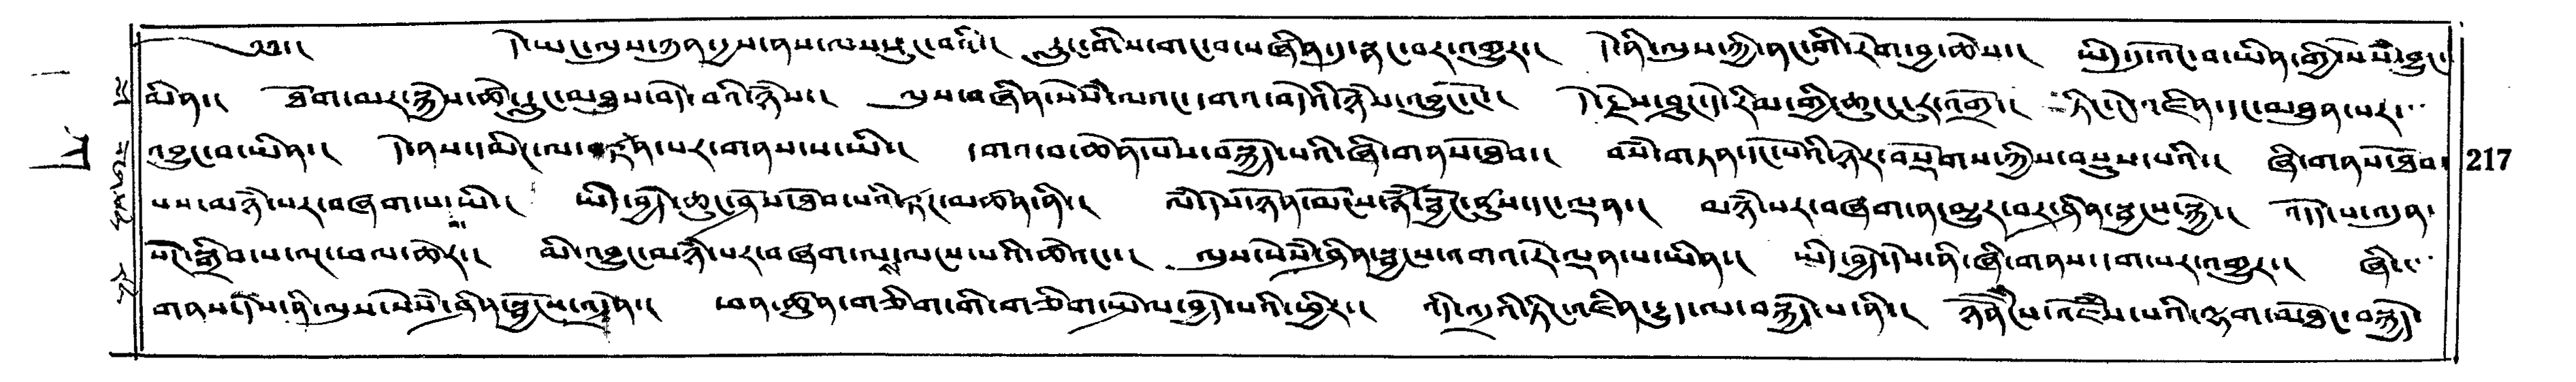དེ་ཡང་ལུས་ཀུན་རྒྱས་ནས་ལས་རུང་བའི། །རླུང་གིས་གང་བ་བཞིན་དུ་སྣང་བར་འགྱུར། །དེ་ནི་ལུས་ཀྱི་ནང་གི་རེག་བྱ་ཆོས། །ཡིད་དུ་འོང་བ་ཡིན་གྱི་སེམས་བྱུང་
མིན། །ཐོག་མར་སྐྱེས་ཚེ་རླུང་མཐུས་བདེ་བའི་ཉམས། །ལུས་བཞིན་སེམས་ལའང་དགའ་བདེའི་ཉམས་འབྱུང་ངོ་། །དེ་རྗེས་ཤུགས་དེར་རིམ་གྱི་ཆུང་ངུར་འགྲོ། །ཏིང་ངེ་འཛིན་དང་མཐུན་པར་
འབྱུང་བ་ཡིན། །དེ་ནས་དམིགས་ལ་བརྟེན་པར་གནས་པ་ཡི། །དགའ་བ་ཆེན་པོས་བསྐྱོད་པའི་ཞི་གནས་ཐོབ། །བསམ་གཏན་དང་པོའི་ཉེར་བསྡོགས་ཀྱིས་བསྡུས་པའི། །ཞི་གནས་ཐོབ་
པས་མཉམ་པར་བཞག་པ་ཡི། །ཡིད་བྱེད་ཆུང་ཤོས་ཐོབ་པའི་རྟགས་མཚན་ནི། །ལམ་དེས་ཉོན་མོངས་རྣམ་སྦྱོང་ནུས་དང་ལྡན། །མཉམ་པར་བཞག་ན་མྱུར་བར་ཤིན་སྦྱངས་སྐྱེ། །འདོད་པ་འདུན་
སོགས་སྒྲིབ་པ་ལྔ་ཕལ་ཆེར། །མི་འབྱུང་མཉམ་པར་བཞག་ལས་ལངས་པའི་ཚེའང་། །ལུས་སེམས་ཤིན་སྦྱངས་འགའ་རེ་ལྡན་པ་ཡིན། །ཡིད་བྱེད་དེས་ནི་ཞི་གནས་དག་པར་འགྱུར། །ཞི་
གནས་དེས་ནི་ལུས་སེམས་ཤིན་སྦྱངས་འདྲེན། །ཕན་ཚུན་གཅིག་གི་གཅིག་སྤེལ་བྱེད་པའི་ཕྱིར། །འདི་འདྲའི་ཏིང་འཛིན་རྒྱུད་ལ་བསྐྱེད་པ་ནི། །ཉོན་མོངས་འཇོམས་པའི་ལྷག་མཐོང་བསྐྱེད་